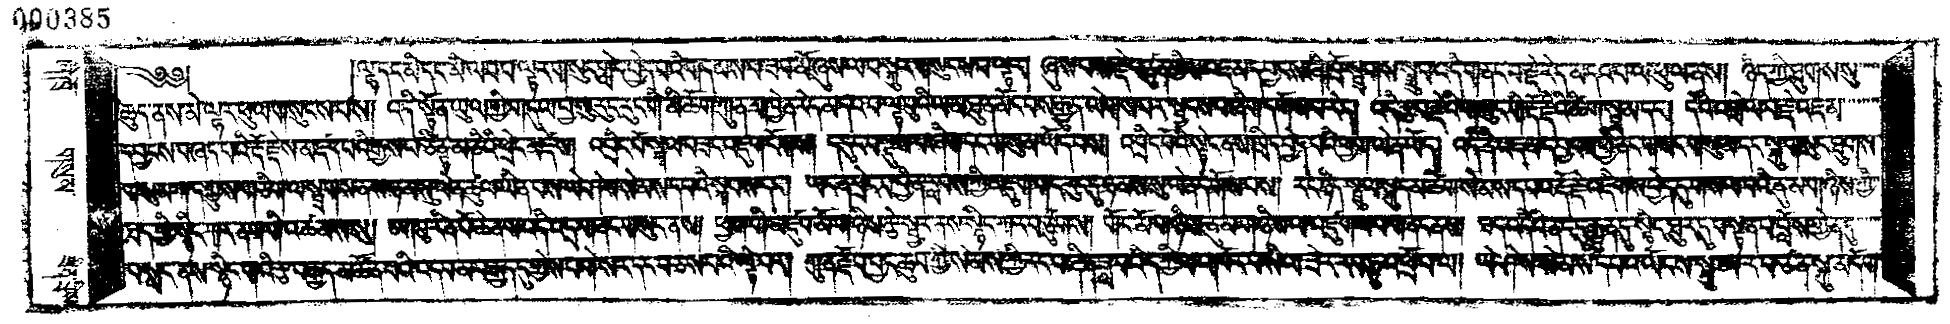༄༅། །ལྷ་དང་མི་དང་མི་ལབ་པ་ལྟར་གསུང་གླེང་བྱེད་པའི་གདམས་པ་ཟབ་མོ་ཞུས་ལ་བསྐུར་གསུངས་པ་ལྟར། ཞུས་པས་རྗེ་བཙུན་གྱིས་འཇམ་དབྱངས་ཞི་ཁྲོ་སྦྲགས་སྒྲུབ་འདི་གནང་བ་རྗེ་རེད་མདའ་པ་ལ་ཕུལ་ནས། ཉིད་ཀྱི་ཐུགས་སུ་
ཆུད་ནས་མེ་ལྷར་ཕུལ་གསུངས་པས། འདི་སྟོན་ཡུལ་གྱི་གདུལ་བྱ་སུ་རུང་རུང་གི་མི་ཆོག་ཀུན་མཁྱེན་རེད་མདའ་བ་ལྟ་བུའི་ལམ་ཐུན་མོང་བས་རྒྱུད་ལེགས་པར་སྦྱངས་པ་ཞིག་དགོས་པ་རེད། འདི་རྩ་བ་རྗེའི་གསུང་གི་རྡོ་རྗེའི་ཚིག་སྦྲམ་དང་། དེའི་འགྲེལ་བ་རྗེ་འཇམ་
དབྱངས་བཞད་པའི་རྡོ་རྗེས་མཛད་པའི་རྒྱས་པ་ཙིནྟ་མ་ཎིའི་ཕྲེང་མཛེས། འབྲིང་པོ་སྐལ་བཟང་འཇུག་ངོགས། ད་དུང་བསྡུས་པ་ཞིག་དང་གསུམ་ཡོད་པས། འབྲིང་པོའི་སྟེང་ནས་ཁྲིད་བྱེད་པའི་ཕྱག་ལེན་ཡོད། འདི་ནི་འཇམ་དབྱངས་ཕྱི་ནང་གསང་གསུམ་དང་སྐུ་གསུང་ཐུགས་
གསུམ་ཀ་དཀྱུས་གཅིག་ལ་སྦྲགས་ནས་ཉམས་སུ་ལེན་ཚུལ་ཡིན་པས་ཡེ་ཤེས་སེམས་དཔའི་སྐབས་དང་། ཡང་ན་ཕྲེང་བ་ཕྱིན་རླབས་ཀྱི་མཇུག་གང་རུང་དུ་ཉམས་སུ་ལེན་དགོས་པས། རང་ཉིད་སྤྲུལ་སྐུ་དམ་ཚིག་སེམས་དཔའ་རྡོ་རྗེ་འཇིགས་བྱེད་དུ་གསལ་བའི་ནུ་མ་གཉིས་ཀྱི་
ཐད་ཀྱི་སྙིང་ཀར་ནག་གི་འཚམས་སུ། ཨ་ཁུ་རིན་པོ་ཆེ་ནས་འདི་འདྲ་གནང་གསུང་ནས། ཕྱག་གི་མཛུབ་མོ་གཉིས་རྩེ་སྦྱར་ནས་སྙིང་ཀར་བཙུགས། གོང་མོ་གཉིས་ནུ་མ་གཉིས་ལ་འཛུགས་པ་གནང་ནས། ཐད་འདིའི་ནང་དུ་རྒྱུན་དུ་སྙིང་ཐུར་དུ་བསྟན་པ་བློས་གྱེན་དུ་
བསླང་ནས་སྙིང་གའི་རྩ་བརྒྱད་མཚོན་པའི་འདབ་མ་བརྒྱད་དུ་གྱེས་པ་གསེར་དང་བཅས་པའི་ལྟེ་བར། ཀུན་རྫོབ་བྱང་ཆུབ་ཀྱི་སེམས་ཀྱི་རང་བཞིན་ཟླ་བའི་དཀྱིལ་འཁོར་བསིལ་ཟེར་རབ་ཏུ་འཕྲོ་བ་ལ། ཡེ་ཤེས་སེམས་དཔའ་ལོངས་སྐུ་ཨ་ར་པ་ཙ་ན་སྐུ་མདོག་